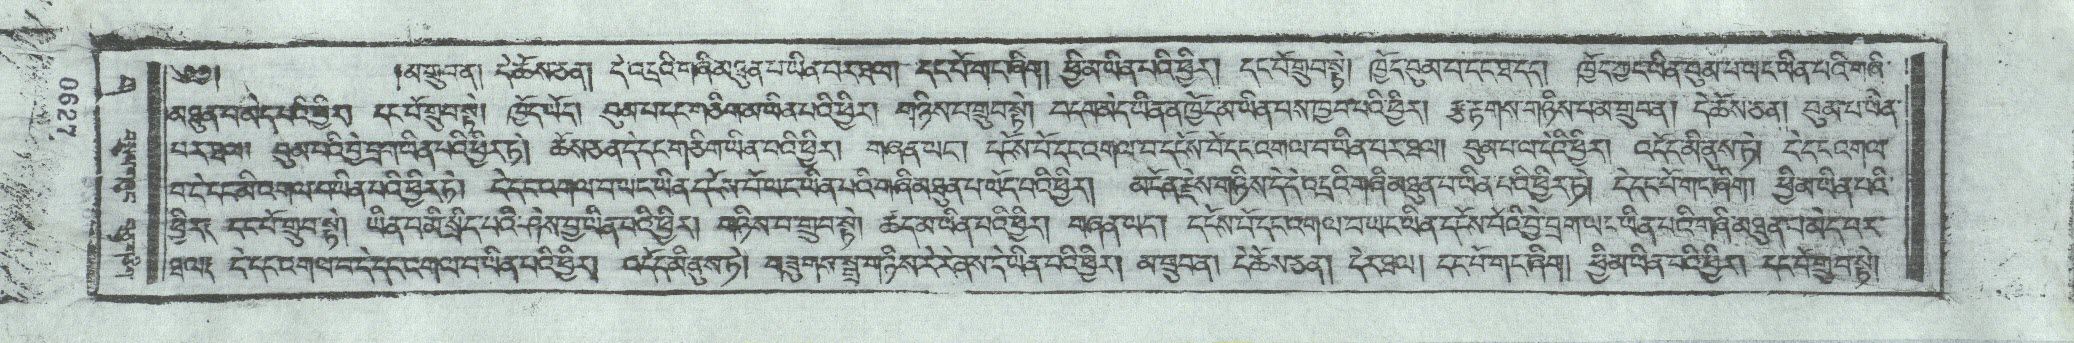༄༅། །མ་གྲུབ་ན། དེ་ཆོས་ཅན། དེ་འདྲའི་གཞི་མཐུན་པ་ཡིན་པར་ཐལ། དང་པོ་གང་ཞིག། ཕྱི་མ་ཡིན་པའི་ཕྱིར། དང་པོ་གྲུབ་སྟེ། ཁྱོད་བུམ་པ་དང་ཐ་དད། ཁྱོད་ཀྱང་ཡིན་བུམ་པ་ཡང་ཡིན་པའི་གཞི་
མཐུན་པ་མེད་པའི་ཕྱིར། དང་པོ་གྲུབ་སྟེ། ཁྱོད་ཡོད། བུམ་པ་དང་གཅིག་མ་ཡིན་པའི་ཕྱིར། གཉིས་པ་གྲུབ་སྟེ། བདག་མེད་ཡིན་ན་ཁྱོད་མ་ཡིན་པས་ཁྱབ་པའི་ཕྱིར། རྩ་རྟགས་གཉིས་པ་མ་གྲུབ་ན། དེ་ཆོས་ཅན། བུམ་པ་ཡིན་
པར་ཐལ། བུམ་པའི་བྱེ་བྲག་ཡིན་པའི་ཕྱིར་ཏེ། ཆོས་ཅན་དེ་དང་གཅིག་ཡིན་པའི་ཕྱིར། གཞན་ཡང་། དངོས་པོ་དང་འགལ་བ་དངོས་པོ་དང་འགལ་བ་ཡིན་པར་ཐལ། བུམ་པ་ལ་དེའི་ཕྱིར། འདོད་མི་ནུས་ཏེ། དེ་དང་འགལ་
བ་དེ་དང་མི་འགལ་བ་ཡིན་པའི་ཕྱིར་ཏེ། དེ་དང་འགལ་བ་ཡང་ཡིན་དངོས་པོ་ཡང་ཡིན་པའི་གཞི་མཐུན་པ་ཡོད་པའི་ཕྱིར། མངོན་རྗེས་གཉིས་དེ་དེ་འདྲའི་གཞི་མཐུན་པ་ཡིན་པའི་ཕྱིར་ཏེ། དེ་དང་པོ་གང་ཞིག། ཕྱི་མ་ཡིན་པའི་
ཕྱིར༑ དང་པོ་གྲུབ་སྟེ། ཡིན་པ་མི་སྲིད་པའི་ཤེས་བྱ་ཡིན་པའི་ཕྱིར། གཉིས་པ་གྲུབ་སྟེ། ཚད་མ་ཡིན་པའི་ཕྱིར། གཞན་ཡང་། དངོས་པོ་དང་འགལ་བ་ཡང་ཡིན་དངོས་པོའི་བྱེ་བྲག་ཡང་ཡིན་པའི་གཞི་མཐུན་པ་མེད་པར་
ཐལ༑ དེ་དང་འགལ་བ་དེ་དང་འགལ་བ་ཡིན་པའི་ཕྱིར། འདོད་མི་ནུས་ཏེ། གཟུགས་སྒྲ་གཉིས་རེ་རེ་ནས་དེ་ཡིན་པའི་ཕྱིར། མ་གྲུབ་ན། དེ་ཆོས་ཅན། དེར་ཐལ། དང་པོ་གང་ཞིག། ཕྱི་མ་ཡིན་པའི་ཕྱིར། དང་པོ་གྲུབ་སྟེ།